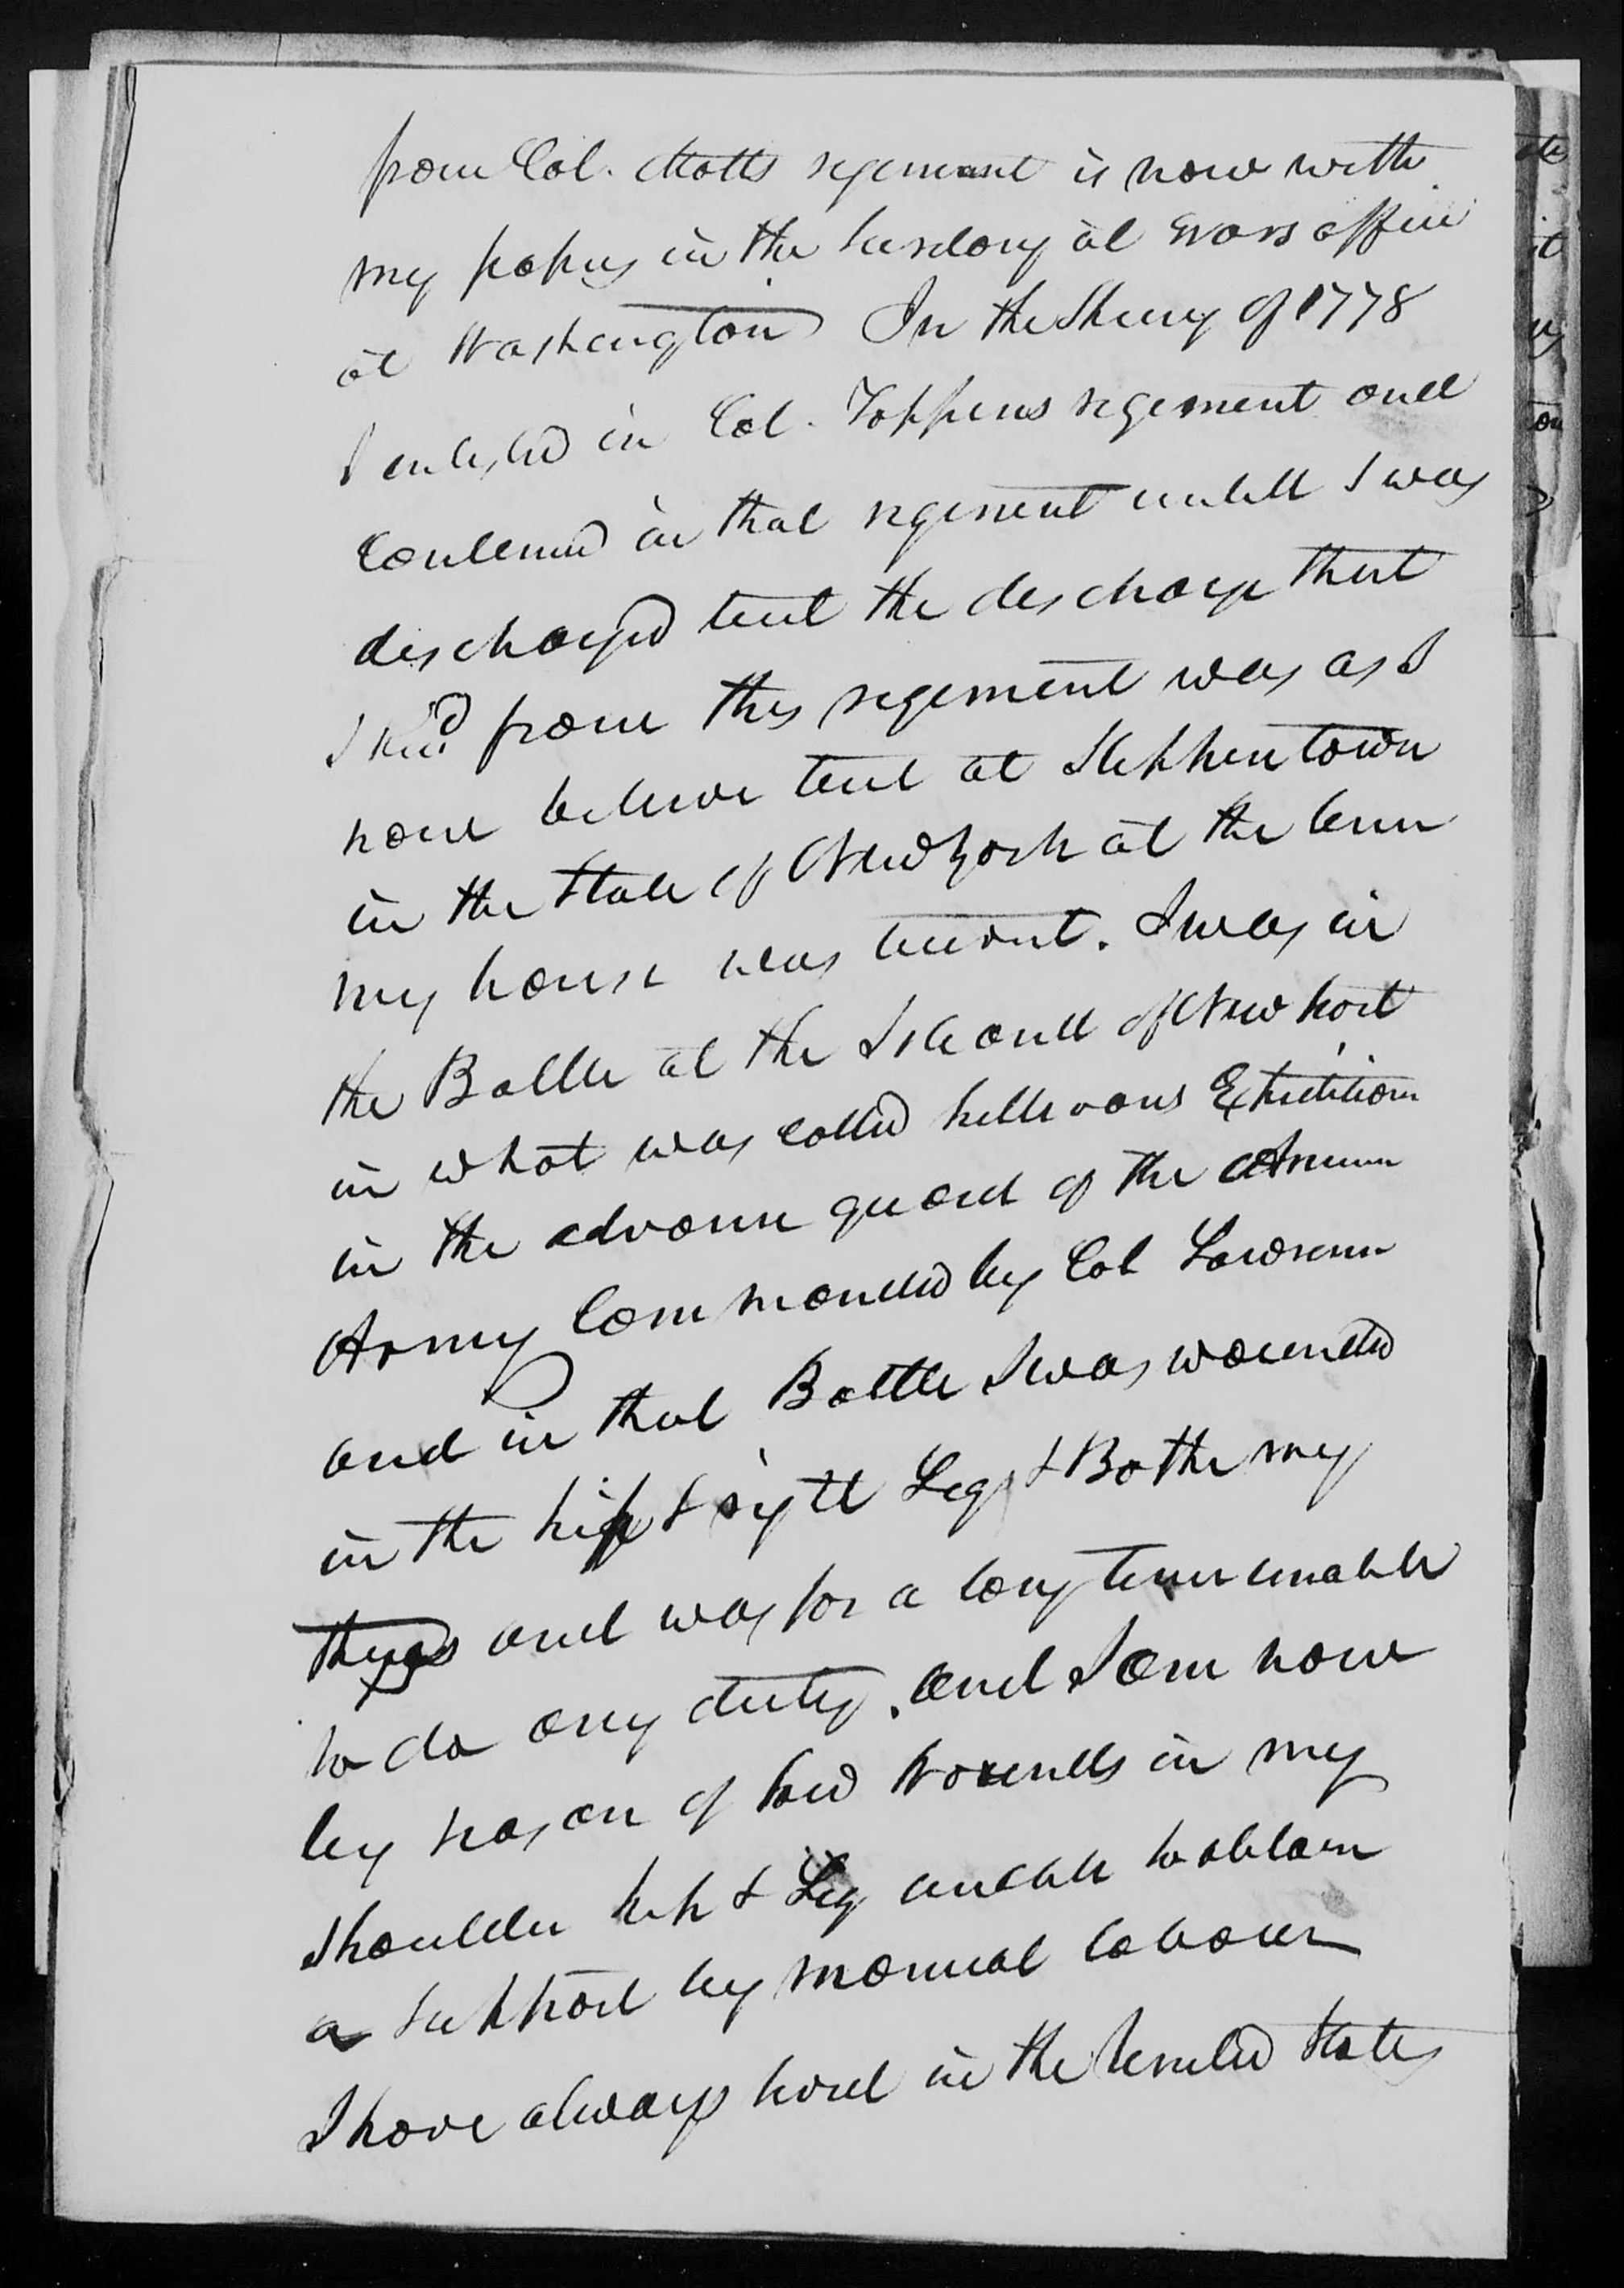from Col. Motts regiment is now with my 
papers in the Secretary of Wars office at Washington. In the Spring of 1778 I enlisted in Col. Toppens regiment and continued in that regiment untill [sic] I was discharged but the discharge that I had from the regiment was a I now believe but at Stephentown in the State of New York at the time my house was burnt. I was in the Battle at the [illegible] of New York in what was called Sullivans Expedition in the advance guard of the American Army commanded by Col Lawrence and in that battle I was wounded in the hip & right leg & both my thighs and was for a long time unable to do any duty, and I am now by [illegible] of said wounds in my shoulder hip & leg unable to obtain a support by manual labour I have always lived in the United States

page: 61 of 100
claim: survivor's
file: S 19186, James Austin, Conn. New York R.I.